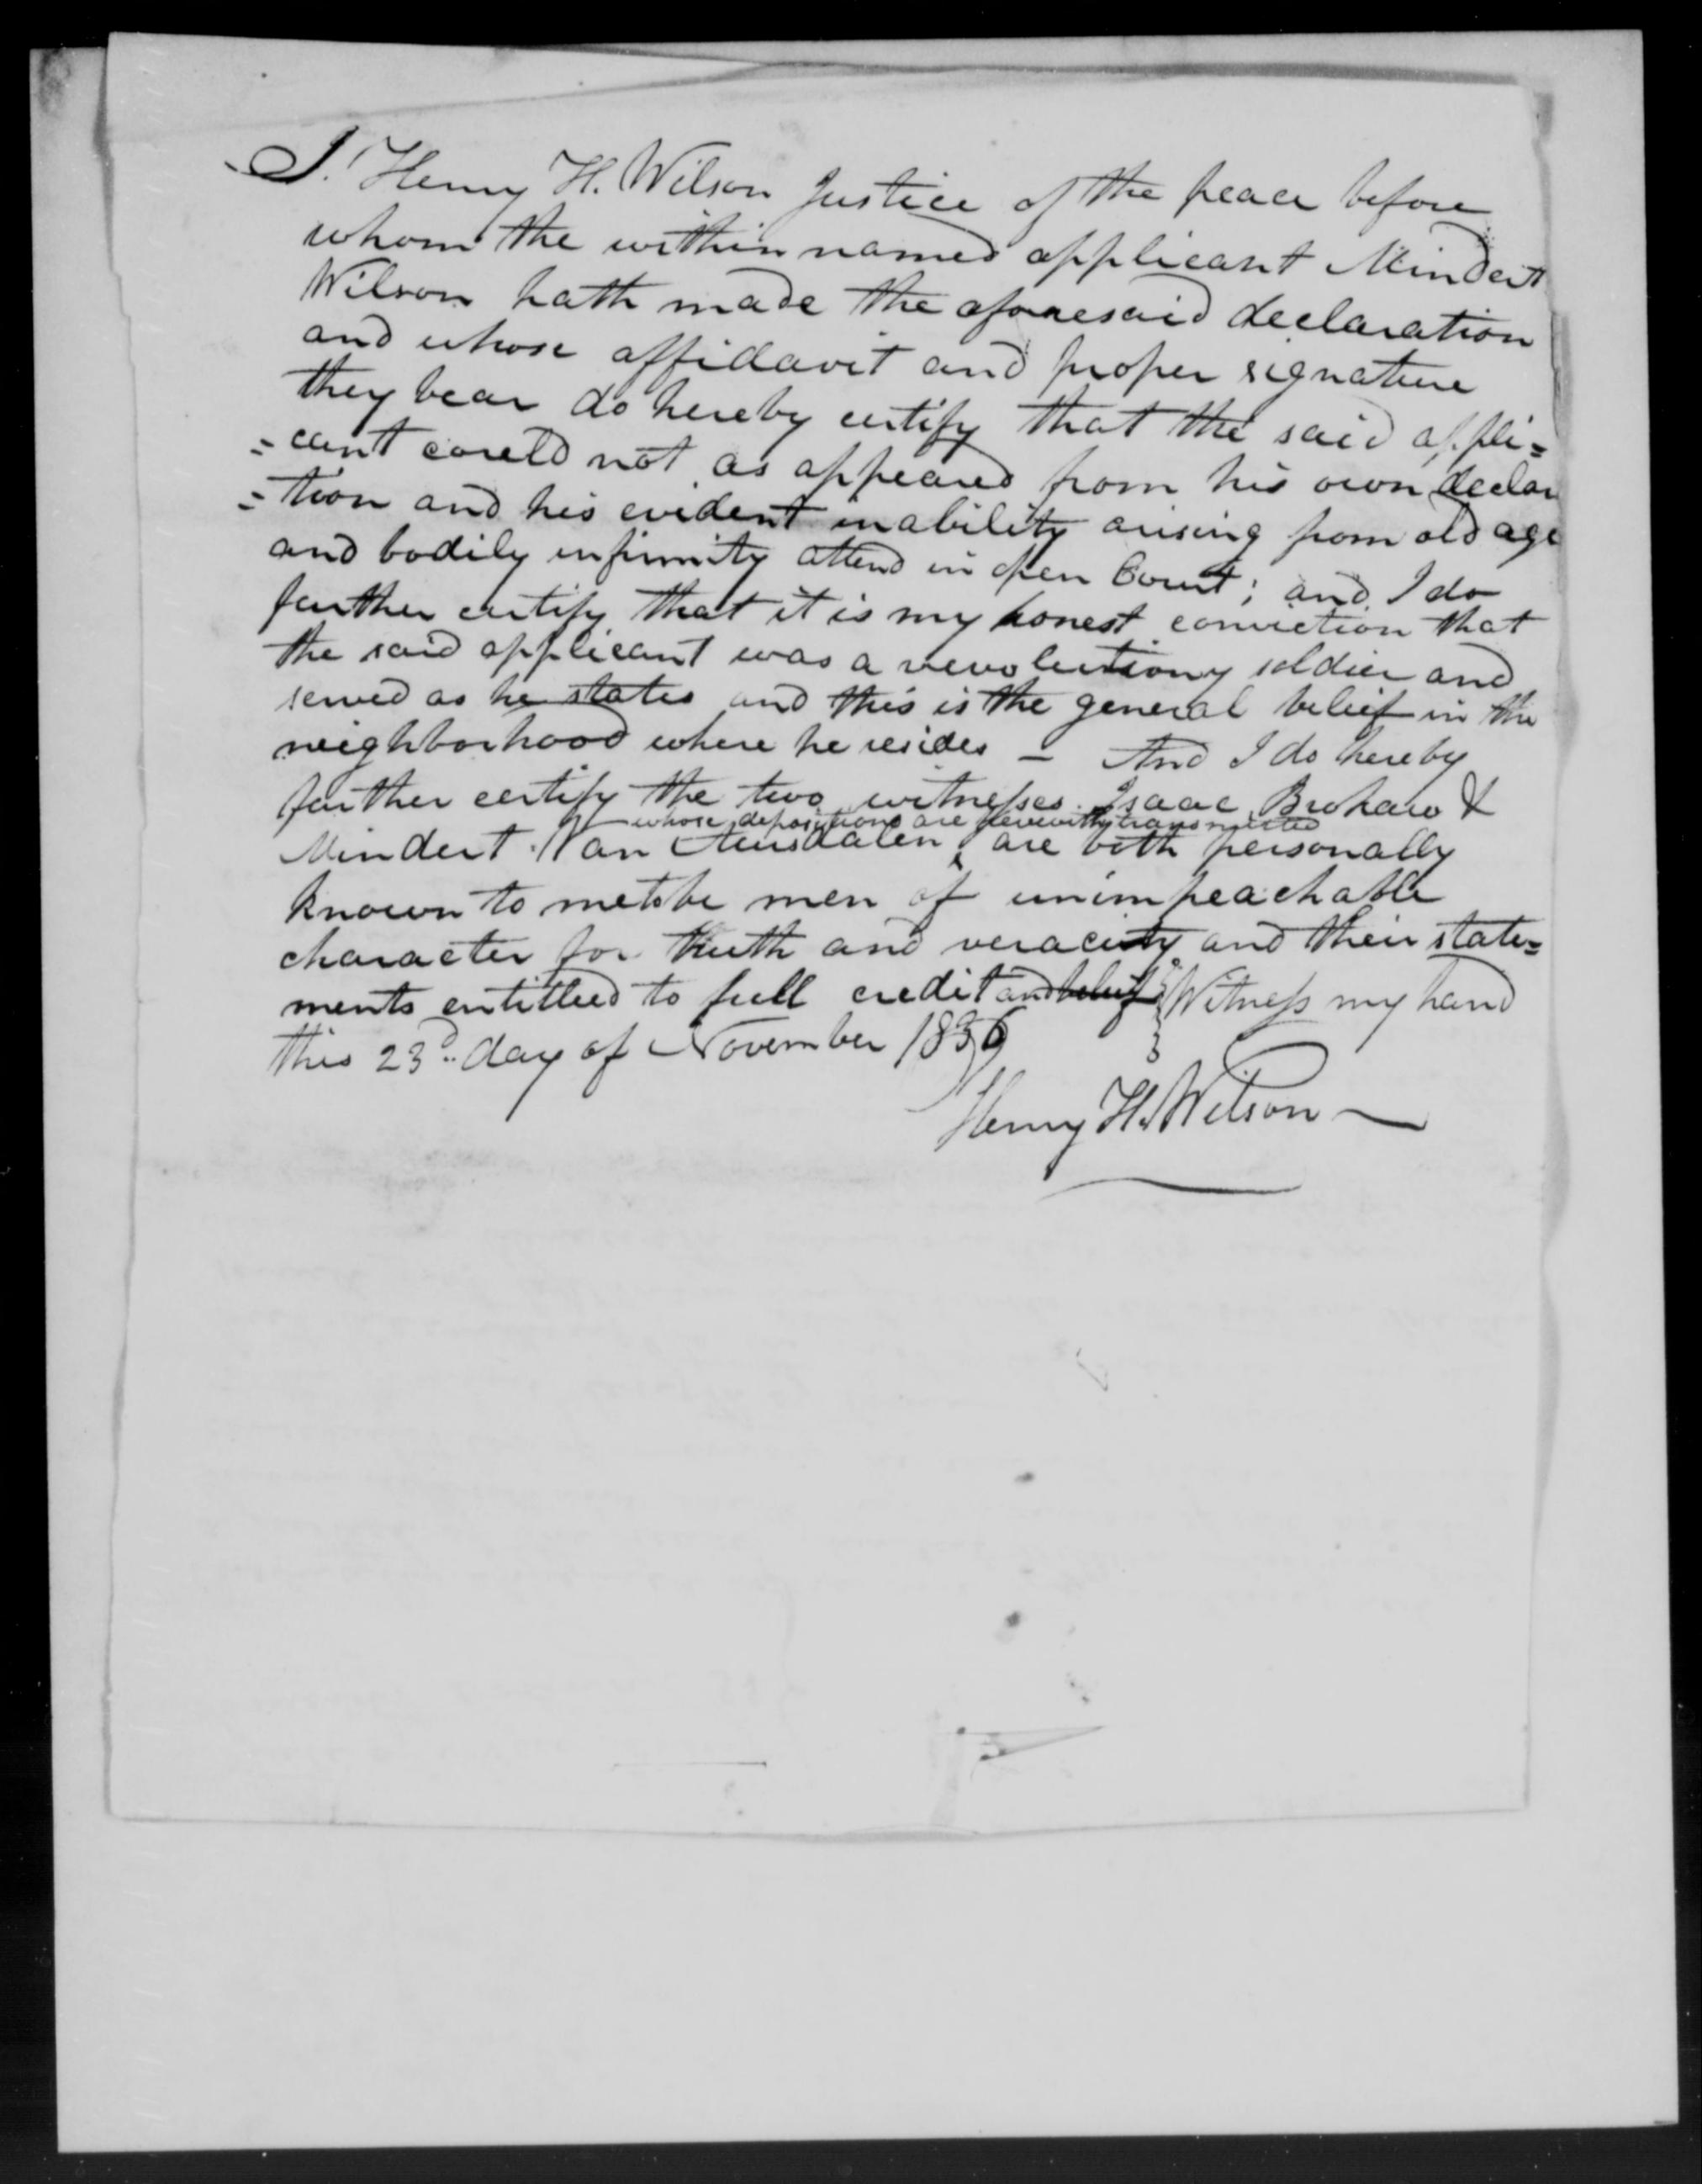I Henry H. Wilson Justice of the peace before whom the within named applicant Mindert Wilson hath made the aforesaid declaration and whose affidavit and proper signature they bear do hereby certify that the said applicant could not, as appeared from his own declaration and his evident inability arising from old age and bodily infirmity attend in open Court; and I do further certify that it is my honest conviction that the said applicant was a revolutiony soldier and served as he states and this is the general belief in the neighborhood where he resides. And I do hereby further certify the two witnesses Isaac Brokaw & Mindert Van Arsdalen whose depositions are herewith transmitted [5 words inserted] are both personally known to me to be men of unimpeachable character for truth and veracity and their statements entitled to full credit and belief

Witness my hand this 23d day of November 1836

Henry H. Wilson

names: Isaac Brokaw, Mindert Wilson, Henry H Wilson, Mindert Van Aursdalen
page: 31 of 40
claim: survivor's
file: S. 3564, Mindart Wilson, New Jersey